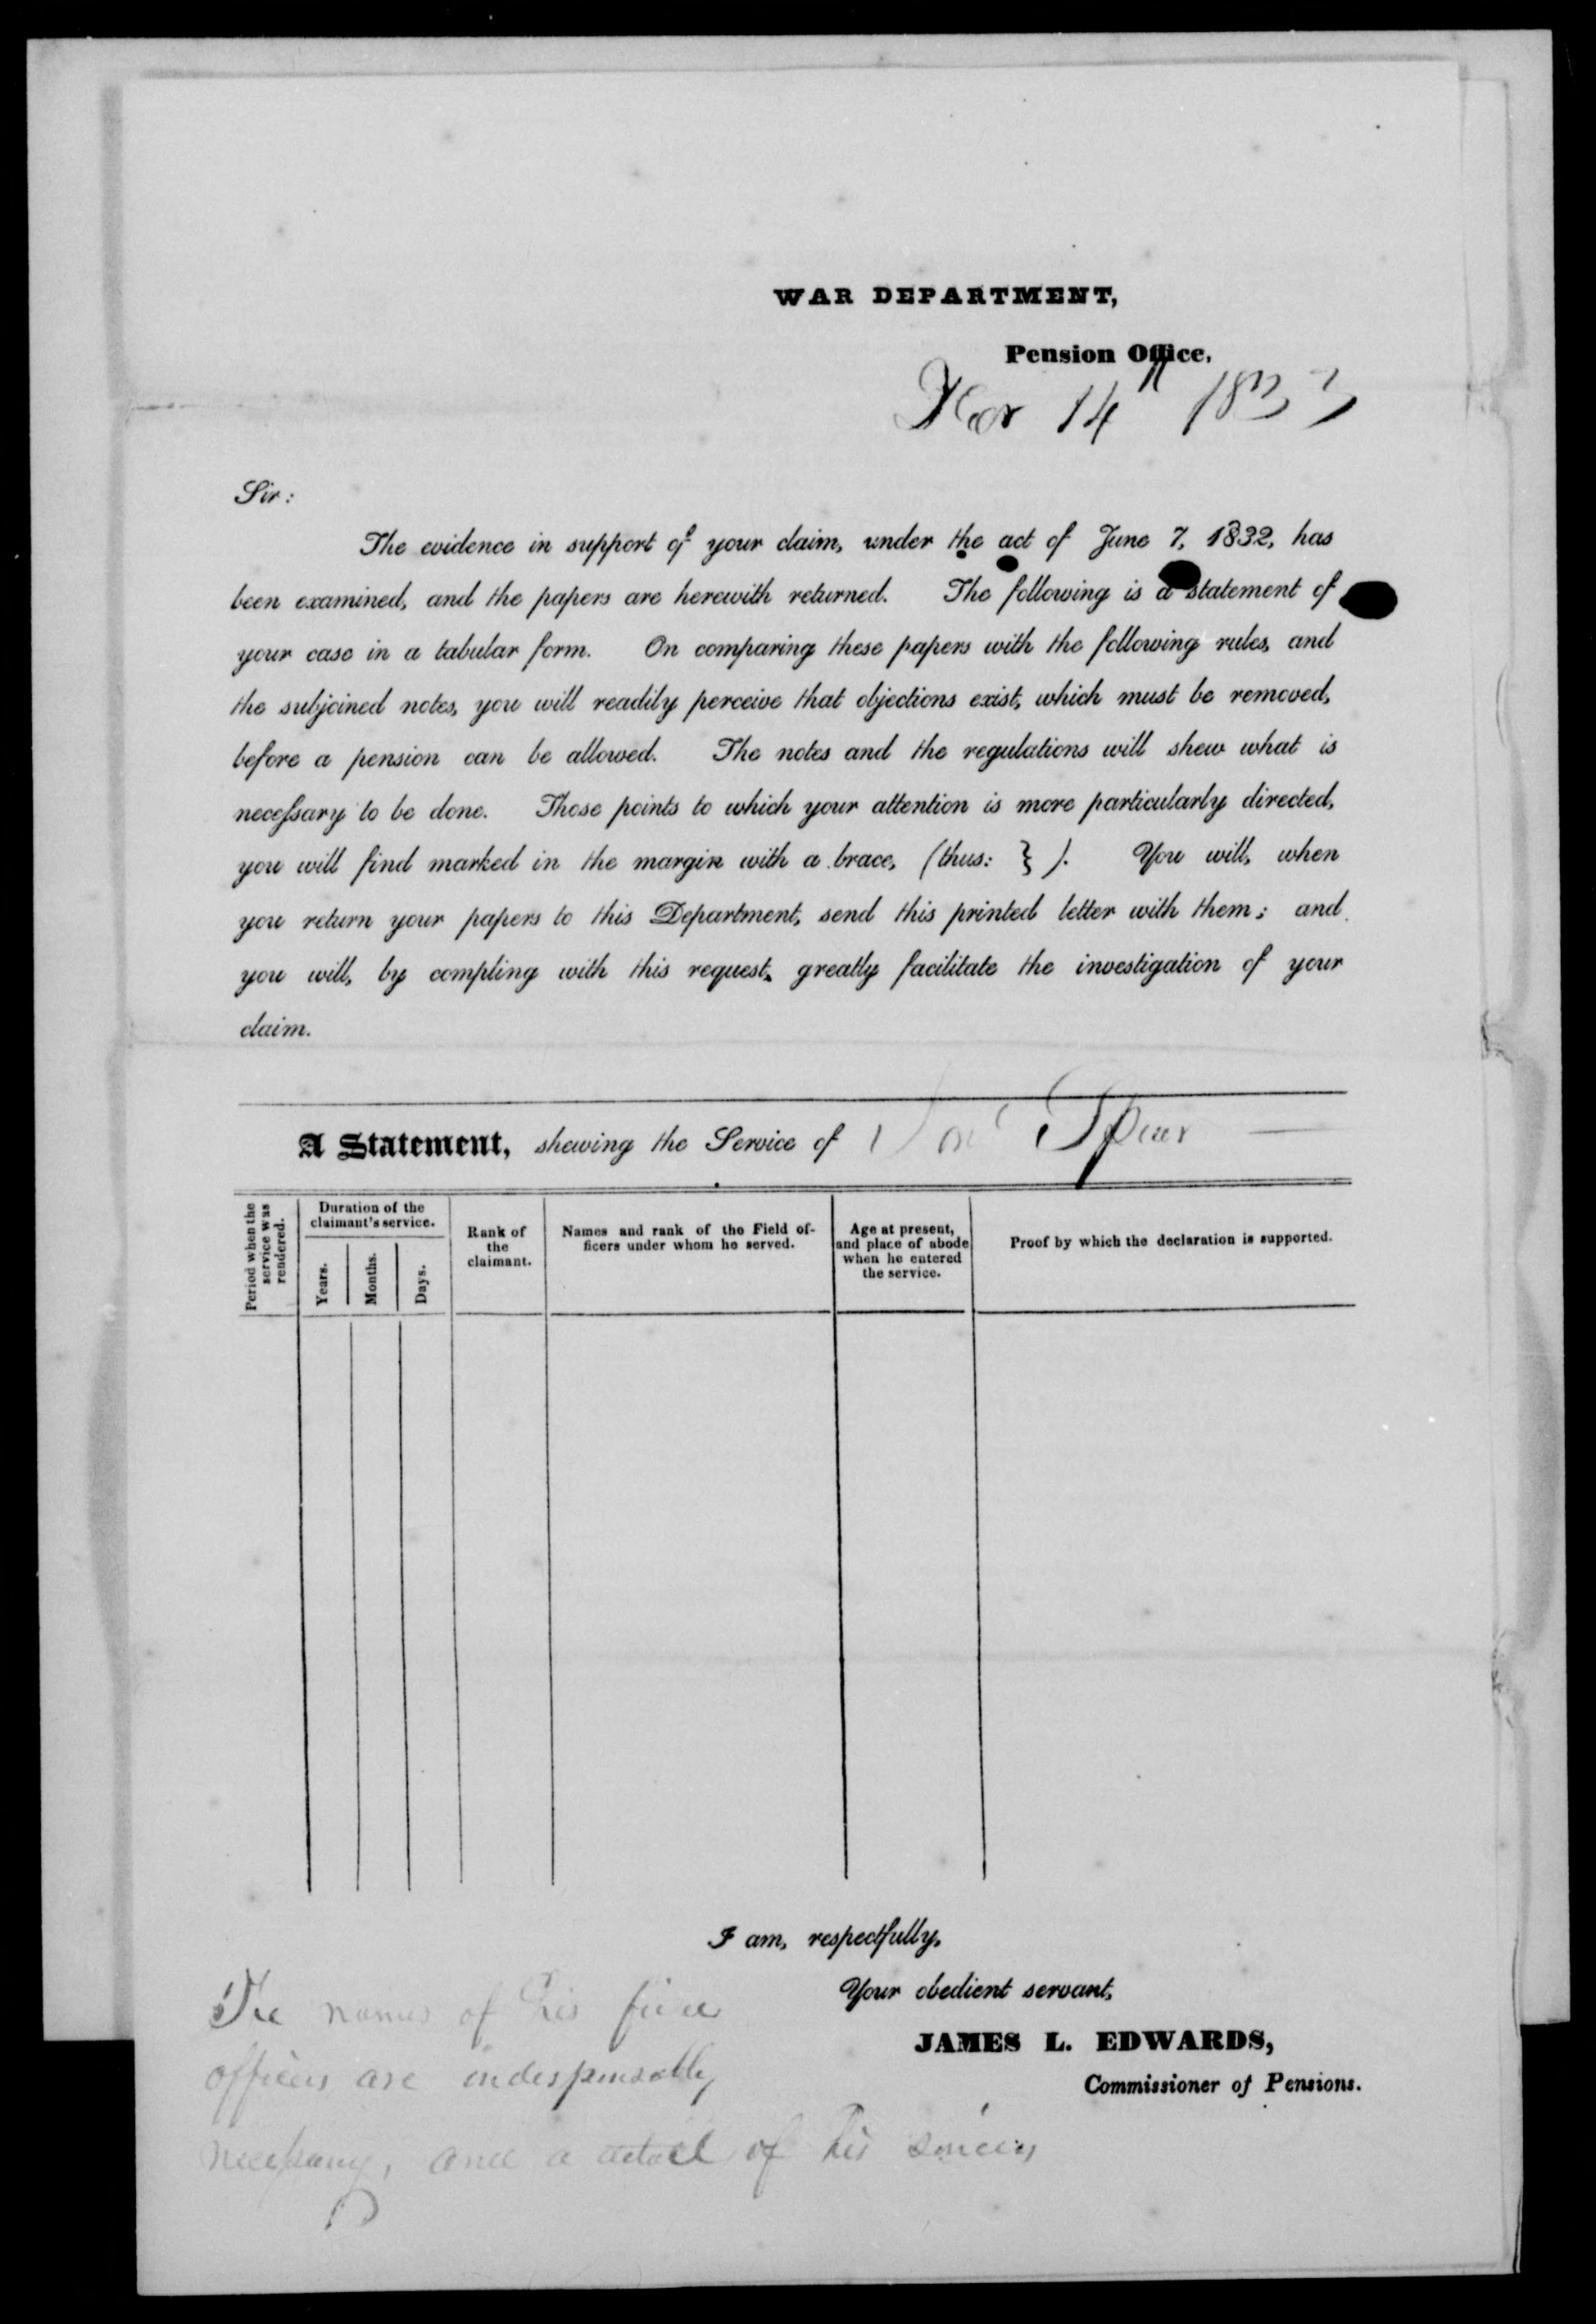WAR DEPARTMENT,
Pension Offee-
Mar 14 1837
Sir:
The evidence in support of your claim, under the act of June 7, 1832, has
been examined, and the papers are herewith returned. The following is a statement of
your case in a tabular form. On comparing these papers with the following rules, and
the subjoined notes, you will readily perceive that objections exist, which must be removed,
before a pension can be allowed. the notes and the regulations will shew what is
necessary to be done. Those points to which your attention is more particularly directed,
you will find marked in the margin with a brace, (thus: }). You will, when
you return your papers to this Department, send this printed letter with them; and
you will, by compling with this request, greatly facilitate the investigation of your
claim.
A Statement, showing the service Jon Spear
Period when the service was rendered.
Duration of the claimant's service.
Years. Months. Days.
Rank of
the
claimant.
Names and rank of the Field officers
under whom he served.
Age at present,
and place of abode when he entered
the service.
Proof by which the declaration is supported.
I am, respectfully
Your obedient servant
JAMES L. EDWARDS,
Commissioner of Pensions.
The names of his five
officers are indispensably
necessary, and a detail of his services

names: Jon Spear; James L Edwards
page: 41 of 65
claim: widow's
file: W. 7197, for Jonathan Spear, Vermont